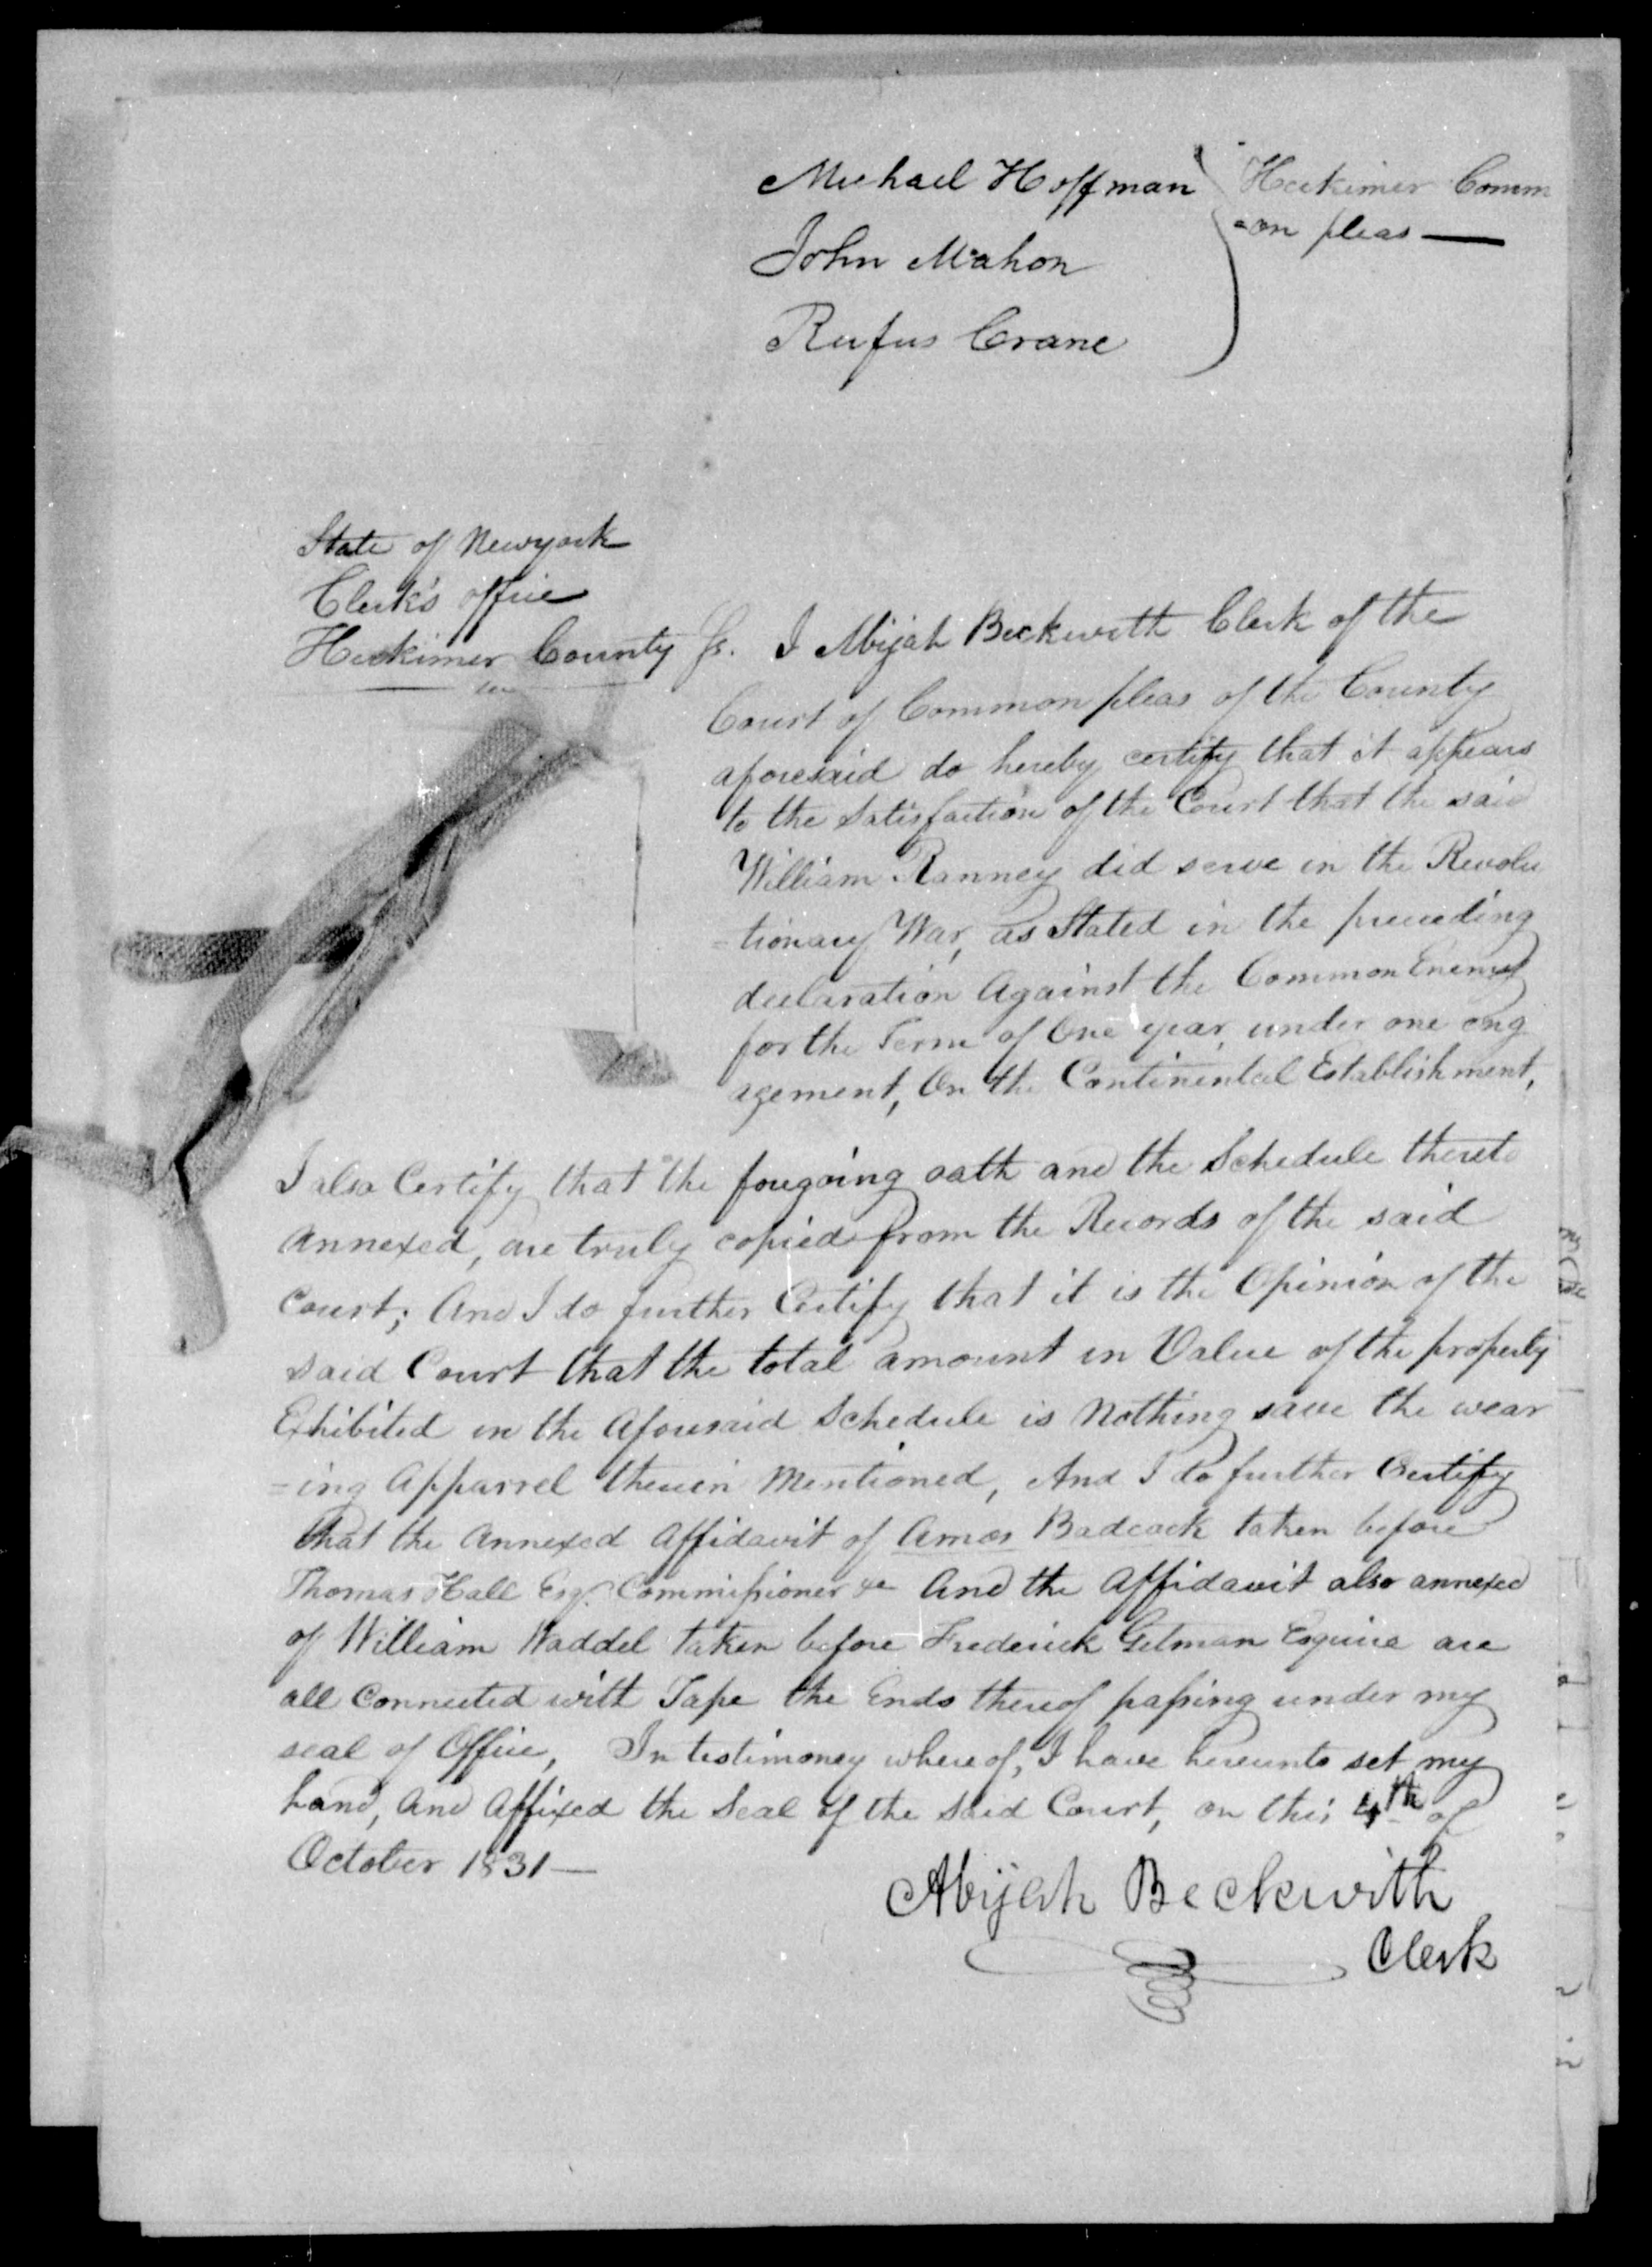Michael Hoffman
John Mahon
Rufus Crane
Herkimer Common Pleas
State of New York Clerk's Office Herkimer County ss
I Abijah Beckwith clerk of the court of common pleas do hereby certify that it appears to the satisfaction of the court that the said William Ranney did serve in the Revolutionary War as stated in the preceding declaration against the common enemy forth term of one year under one engagement on the Continental Establishment.
I also certify that the foregoing oath and the schedule thereto annexed are truly copied from the records of the said court and I do further certify that it is the opinion of the said court that the total amount in value of the property exhibited on the aforesaid schedule is nothing save the wearing apparrel [apparel] therein mentioned and I do further certify that the annexed affidavit of Amos Badcock taken before Thomas Hall Esq commissioner and the affidavit also annexed of William Waddel taken before Frederick Getman esquire are all connected with tape the ends thereof have hereunto set my hand and affixed the seal of the said court on this 4th of October 1831
Abijah Beckwith clerk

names: Amos Badcock; William Waddel; John Mahon; Michael Hoffman; Abijah Beckwith; Abijah Beckwith; Rufus Crane; Thomas Hall; Frederick Getman; William Ranney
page: 5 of 12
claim: rejected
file: R. 8,593, for William Ranney, Connecticut